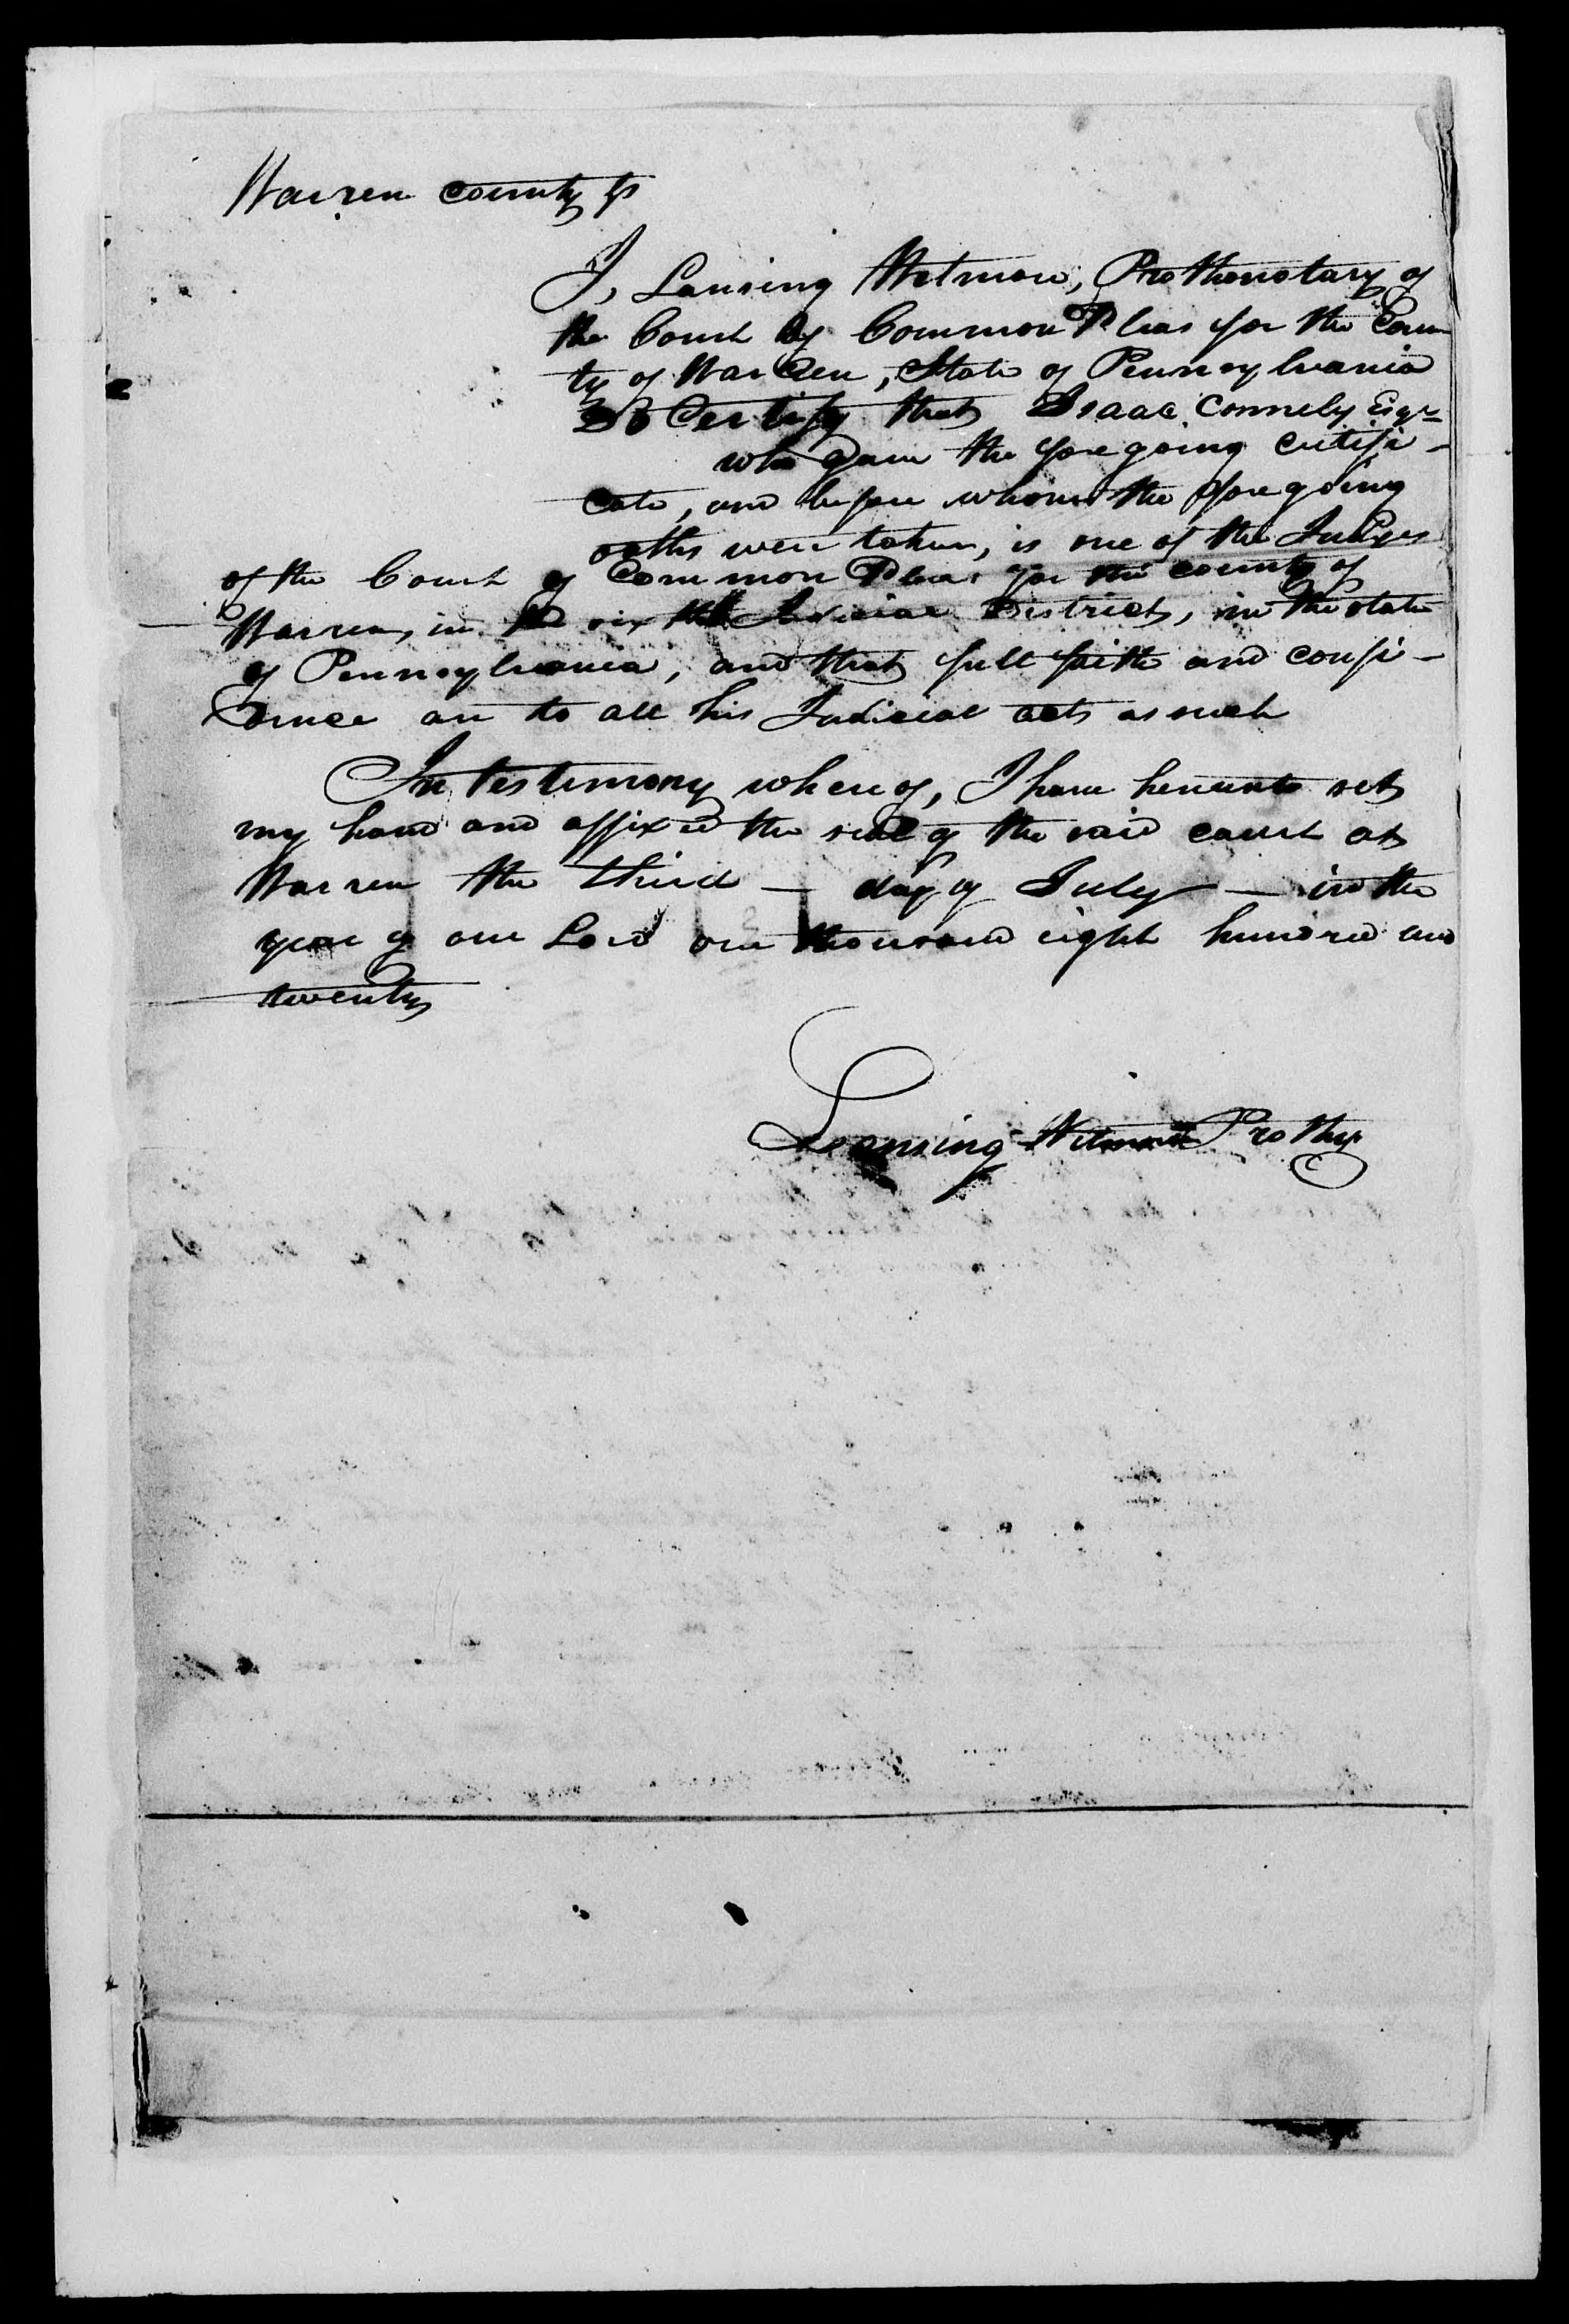Warren County ss

I Lansing Witman, Prothonotary of
the Court of Common Pleas for the county
 of Warren, State of Pennsylvania do certify 
that Isaac Connely Esq whom  gave the foregoing certification and before whom the forgoing
oaths were taken, is one of the Justices of the Court of Common Pleas, for the county of
Warren &  in the for said District, in the State of
Pennsylvania, and that full faith and confidence
 on to all his judicial acts as such

In testimony whereof, I have hereunto set
my hand and affixed the seal of the said Court at Warren the third day  of July in the our Lord one thousand eight hundred and twenty


Lansing Witman
Prother

(no seal was affixed)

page: 56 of 77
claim: widow's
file: W 2954, for James Mc Gee, Delaware